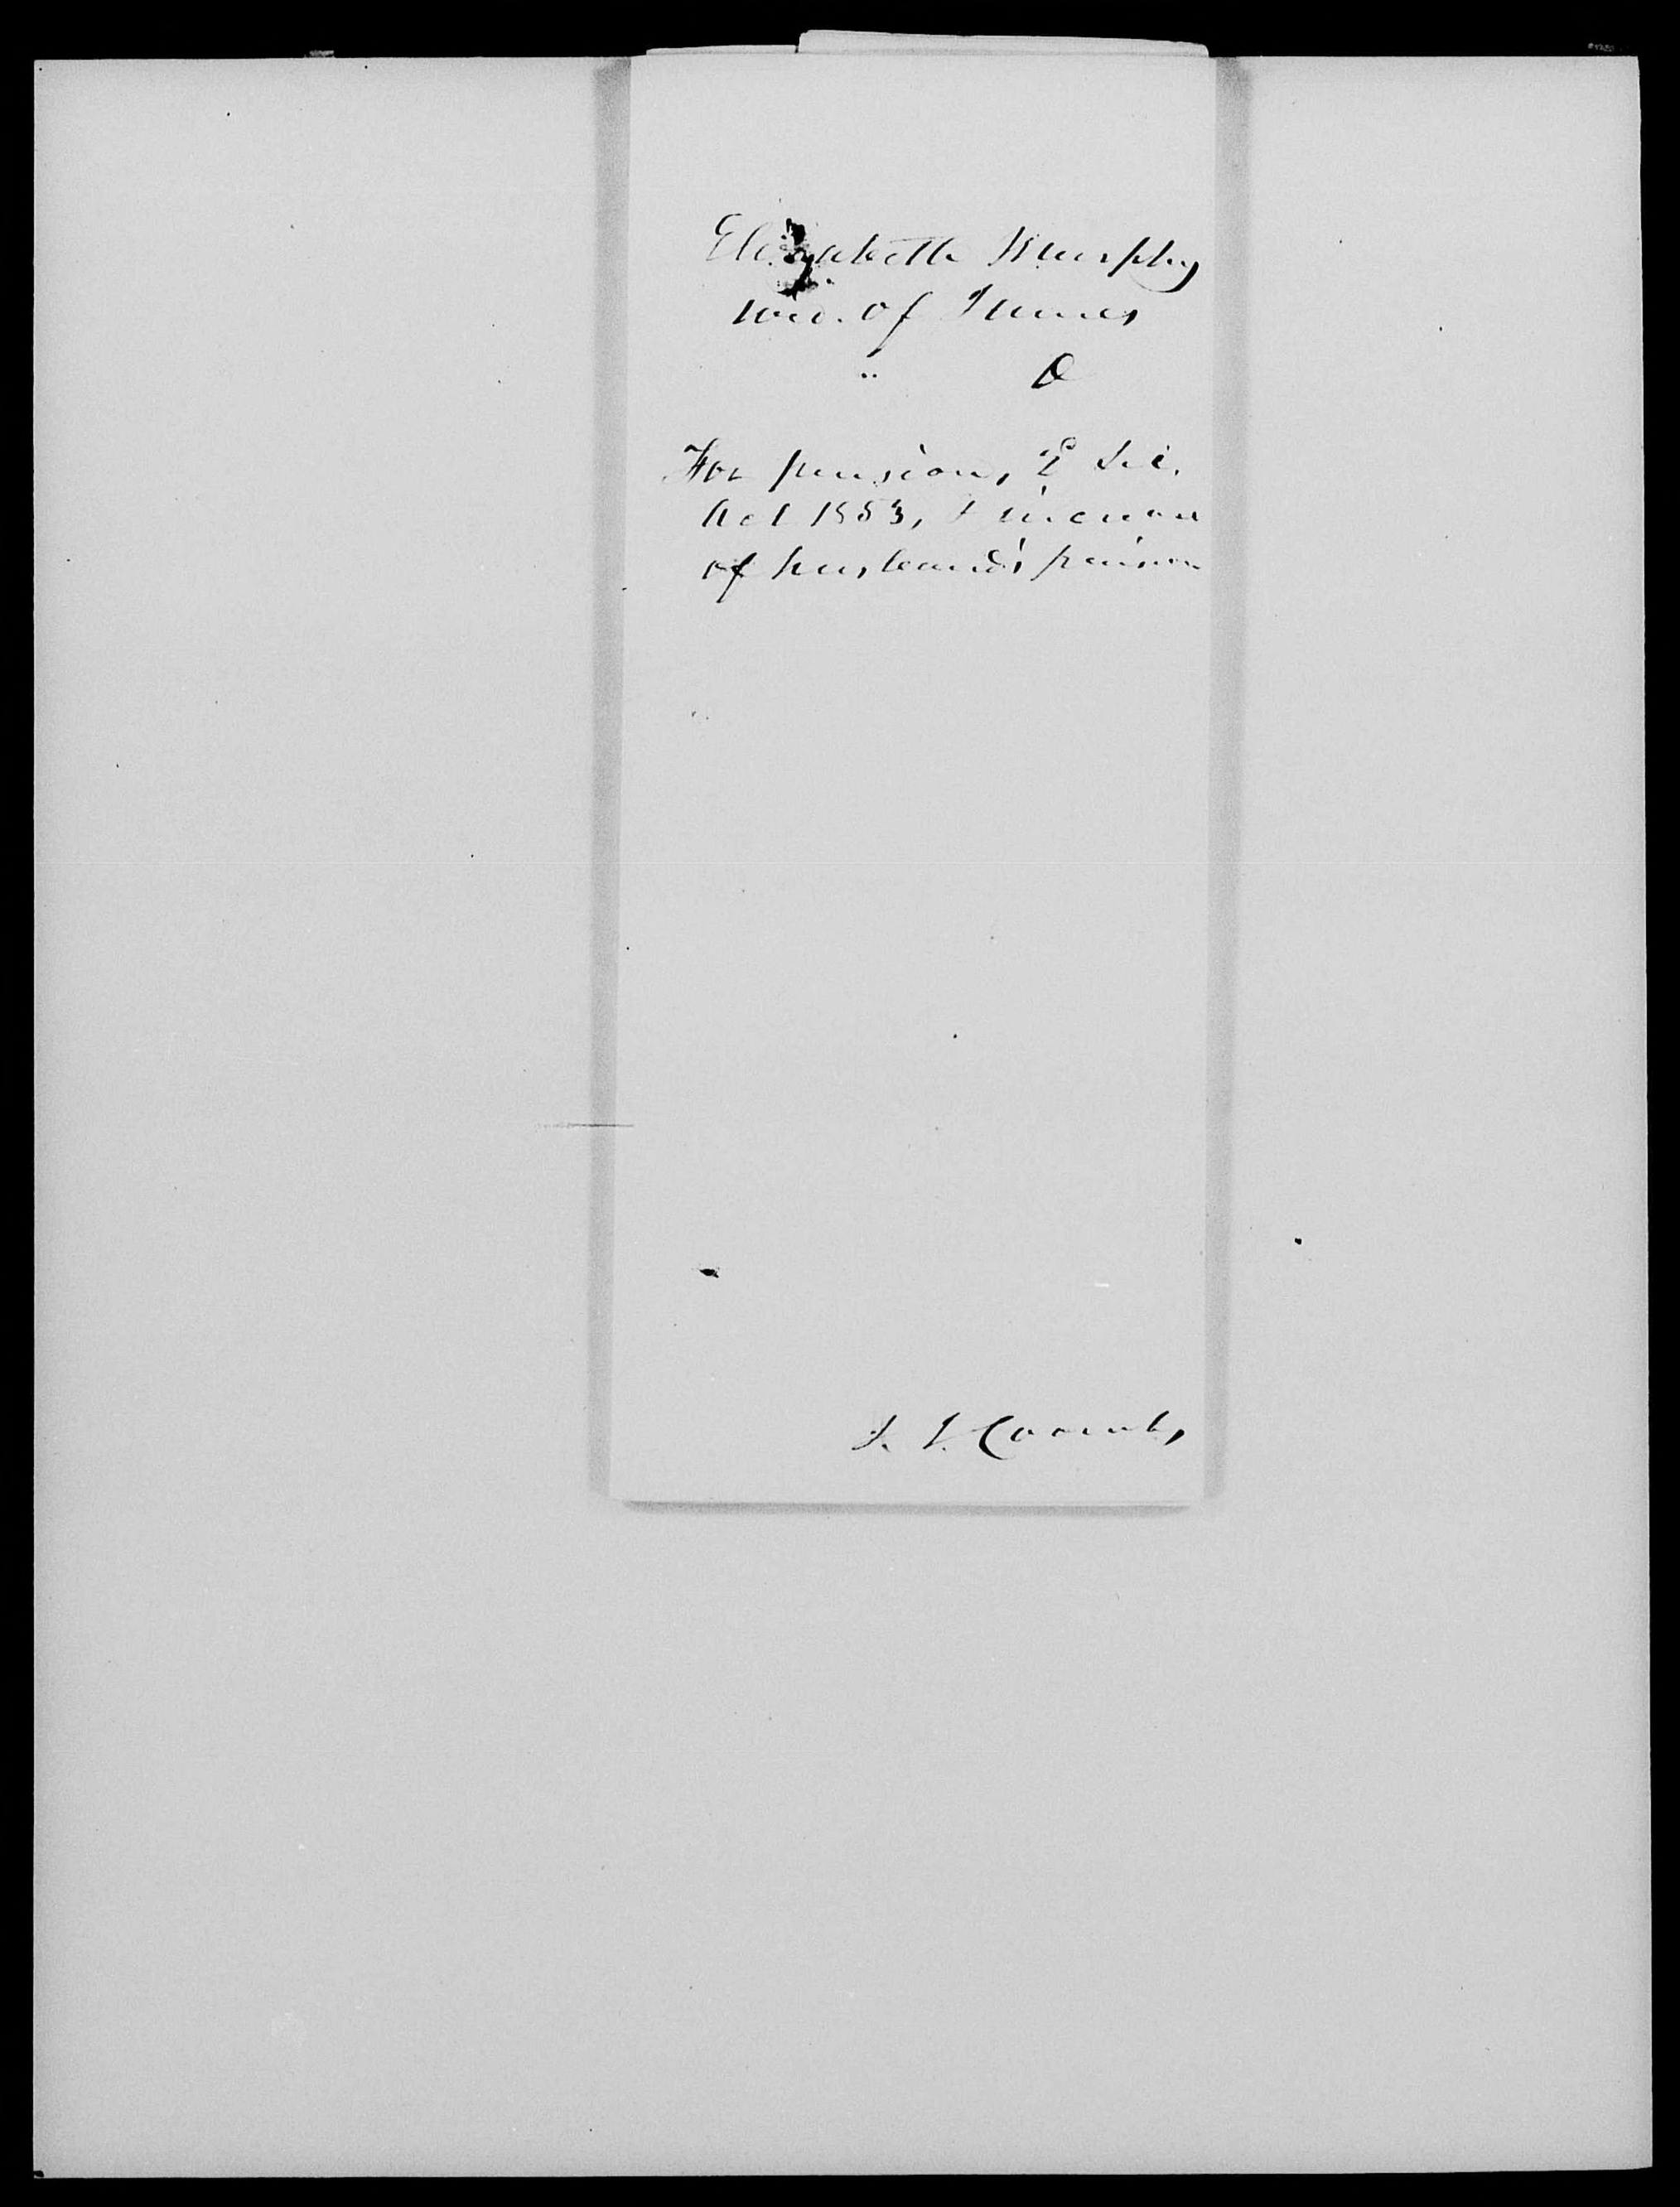Elizabeth Murphy
wid of James
O

for pension, & Sec
Act 1853, ice
of husbands pension

J. L. Coombs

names: Elizabeth Murphy; James Murphy; J J Coombs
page: 12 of 57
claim: widow's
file: W. 25,739, for James Murphey, Pennsylvania